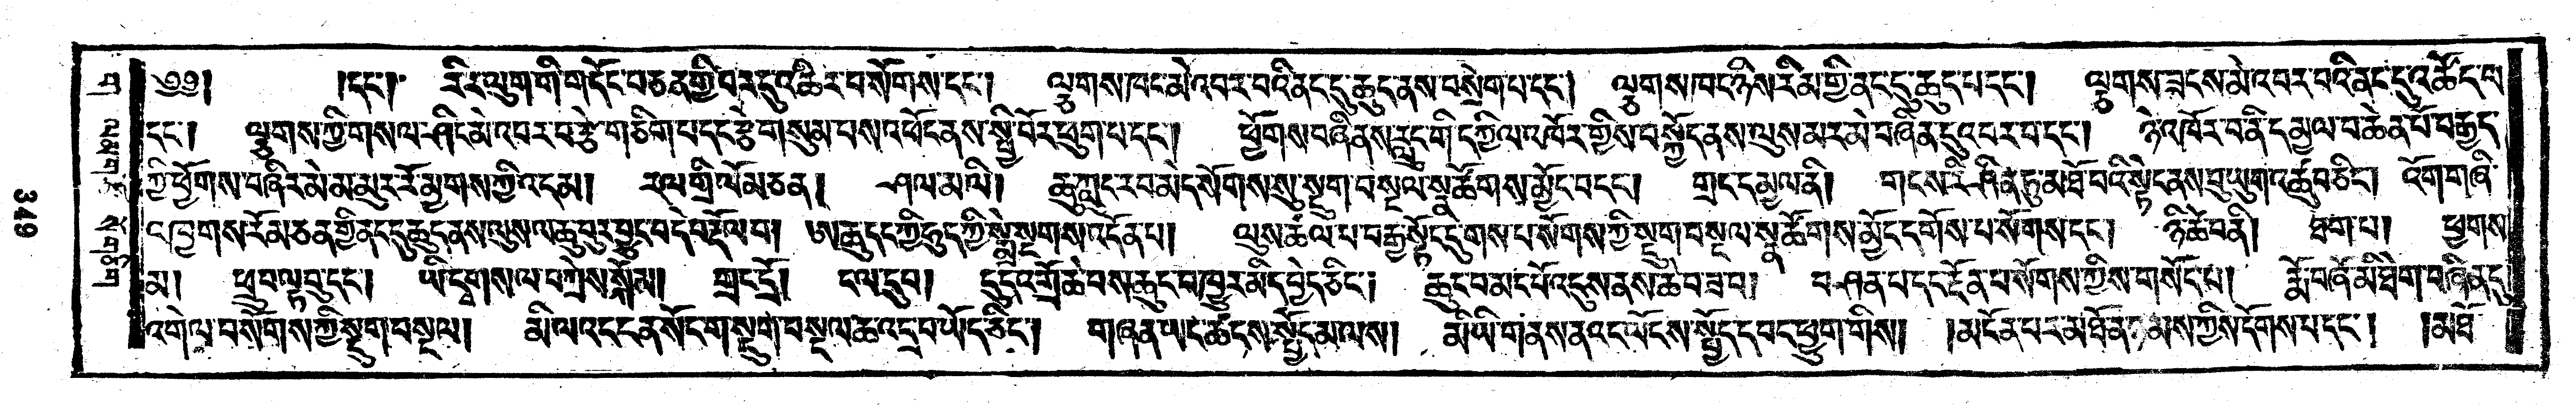༄༅། །དང་། རིར་ལུག་གི་གདོང་བཅན་གྱི་བར་དུ་འཆིར་བ་སོགས་དང་། ལྕགས་ཁང་མེ་འབར་བའི་ནང་དུ་ཆུད་ནས་བསྲེག་པ་དང་། ལྕགས་ཁང་ཉིས་རིམ་གྱི་ནང་དུ་ཆུད་པ་དང་། ལྕགས་ཟངས་མེ་འབར་བའི་ནང་དུ་འཚོད་ལ་
དང་། ལྕགས་ཀྱི་གསལ་ཤིང་མེ་འབར་བརྩེ་གཅིག་པ་དང་རྩེ་གསུམ་པས་འཕོང་ནས་སྤྱི་བོར་ཕུག་པ་དང་། ཕྱོགས་བཞི་ནས་རླུང་གི་དཀྱིལ་འཁོར་གྱིས་བསྐྱོད་ནས་ལུས་མར་མེ་བཞིན་དུ་འབར་བ་དང་། ཉེ་འཁོར་བ་ནི་དམྱལ་བ་ཆེན་པོ་བརྒྱད་
ཀྱི་ཕྱོགས་བཞིར་མེ་མ་མུར་རོ་མྱགས་ཀྱི་འདམ། རལ་གྲི་ལོ་མ་ཅན། ཤལ་མ་ལི། ཆུ་ཀླུང་རབ་མེད་སོགས་སུ་སྡུག་བསྔལ་སྣ་ཚོགས་མྱོང་བ་དང་། གྲང་དམྱལ་ནི། གངས་རི་ཤིན་ཏུ་མཐོ་བའི་སྟེང་ནས་བུ་ཡུག་འཚུབ་ཅིང་། འོག་གཞི་
འཁྱགས་རོམ་ཅན་གྱི་ནང་དུ་ཆུད་ནས་ལུས་ལ་ཆུ་བུར་བྱུང་བདེ་བརྡོལ་བ། ཨ་ཆུ་དང་ཀྱི་ཧུད་ཀྱི་སྨྲེ་སྔགས་འདོན་པ། ལུས་ཚལ་པ་བརྒྱ་སྟོང་དུ་གས་པ་སོགས་ཀྱི་སྡུག་བསྔལ་སྣ་ཚོགས་མྱོང་དགོས་པ་སོགས་དང་། ཉི་ཚེ་བ་ནི། ཐག་པ། ཕྱགས་
མ། ཕྲུབ་ལྟ་བུ་དང་། ཡི་དྭགས་ལ་བཀྲེས་སྐོམ། གྲང་དྲོ། ངལ་དུབ། དུད་འགྲོ་ཆེ་བས་ཆུང་བ་ཁྱུར་མིད་བྱེད་ཅིང་། ཆུང་བ་མང་པོ་འདུས་ནས་ཆེ་བ་ཟ་བ། བཤན་པ་དང་རྡོན་པ་སོགས་ཀྱིས་གསོད་པ། རྨོ་བཞོ་མི་ཐེག་བཞིན་དུ་
འགེལ་བ་སོགས་ཀྱི་སྡུག་བསྔལ། མི་ལའང་ངན་སོང་ག་སྡུག་བསྔལ་ཆ་འདྲ་བ་ཡོད་ཅིང་། གཞན་ཡང་ཚངས་སྤྱོད་མ་ལས། མི་ཡི་གནས་ནའང་ལོངས་སྤྱོད་དབང་ཕྱུག་གིས། །མངོན་པར་མཐོ་ན་ཉམས་ཀྱིས་དོགས་པ་དང་། །མཐོ་